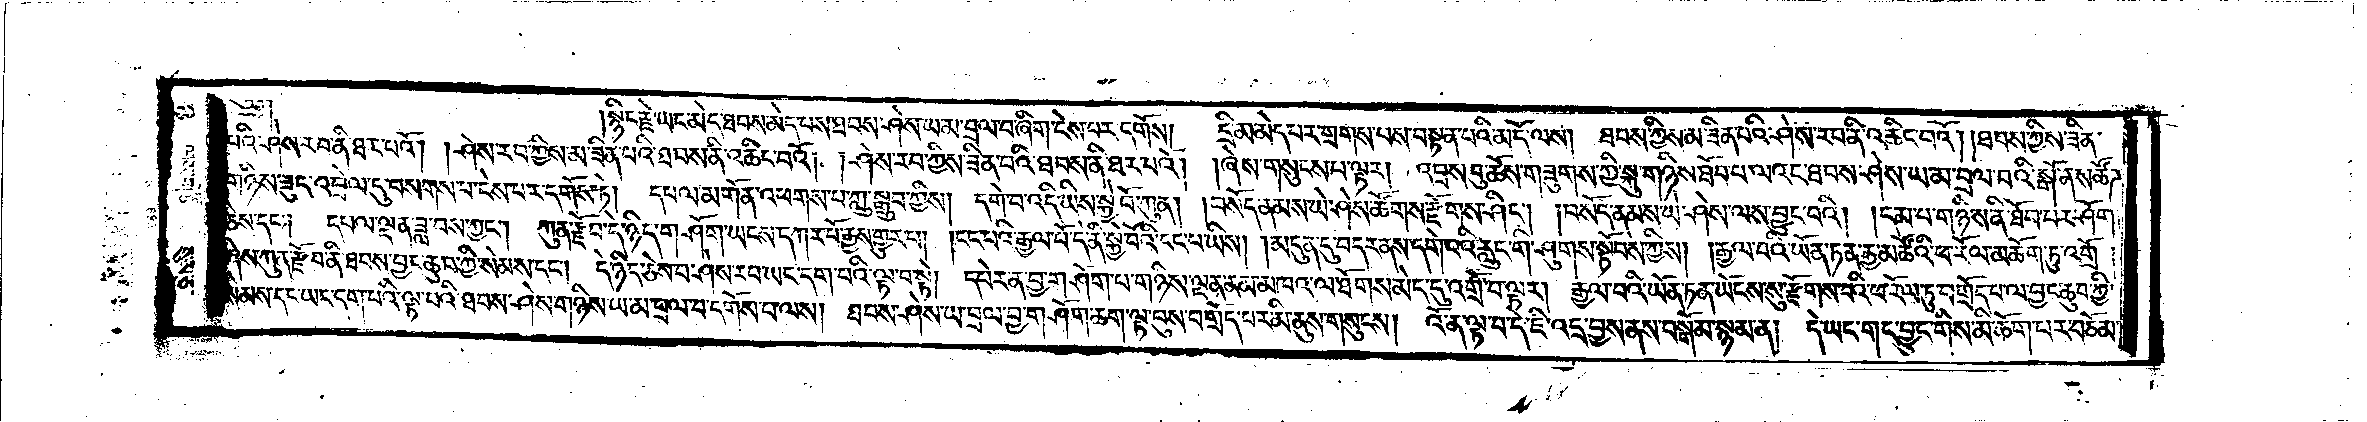༄༅། །སྙིང་རྗེ་ཡང་མེད་ཐབས་མེད་པས་ཐབས་ཤེས་ཡ་མ་བྲལ་བ་ཞིག་ངེས་པར་དགོས། དྲི་མ་མེད་པར་གྲགས་པས་བསྟན་པའི་མདོ་ལས། ཐབས་ཀྱིས་མ་ཟིན་པའི་ཤེས་རབ་ནི་འཆིང་བའོ། །ཐབས་ཀྱིས་ཟིན་
པའི་ཤེས་རབ་ནི་ཐར་པའོ། །ཤེས་རབ་ཀྱིས་མ་ཟིན་པའི་ཐབས་ནི་འཆིང་བའོ། །ཤེས་རབ་ཀྱིས་ཟིན་པའི་ཐབས་ནི་ཐར་པའོ། །ཞེས་གསུངས་པ་ལྟར། འབྲས་བུ་ཆོས་གཟུགས་ཀྱི་སྐུ་གཉིས་ཐོབ་པ་ལའང་ཐབས་ཤེས་ཡ་མ་བྲལ་བའི་སྒོ་ནས་ཚོགས་
གཉིས་ཟུང་འབྲེལ་དུ་བསགས་པ་ངེས་པར་དགོས་ཏེ། དཔལ་མགོན་འཕགས་པ་ཀླུ་སྒྲུབ་ཀྱིས། དགེ་བ་འདི་ཡིས་སྐྱེ་བོ་ཀུན། །བསོད་ནམས་ཡེ་ཤེས་ཚོགས་རྫོགས་ཤིང་། །བསོད་ནམས་ཡེ་ཤེས་ལས་བྱུང་བའི། །དམ་པ་གཉིས་ནི་ཐོབ་པར་ཤོག་
ཅེས་དང་། དཔལ་ལྡན་ཟླ་བས་ཀྱང་། ཀུན་རྫོབ་དེ་ཉིད་གཤོག་ཡངས་དཀར་པོ་རྒྱས་གྱུར་པ། །ངང་པའི་རྒྱལ་པོ་དེ་ནི་སྐྱེ་བོའི་ངང་པ་ཡིས། །མདུན་དུ་བདར་ནས་དགེ་བའི་རླུང་གི་ཤུགས་སྟོབས་ཀྱིས། །རྒྱལ་བའི་ཡོན་ཏན་རྒྱ་མཚོའི་ཕ་རོལ་མཆོག་ཏུ་འགྲོ་།
ཞེས་ཀུན་རྫོབ་ནི་ཐབས་བྱང་ཆུབ་ཀྱི་སེམས་དང་། དེ་ཉིད་ཅེས་པ་ཤེས་རབ་ཡང་དག་པའི་ལྟ་བ་སྟེ། དཔེར་ན་བྱ་གཤོག་པ་གཉིས་ལྡན་ནམ་མཁའ་ལ་ཐོགས་མེད་དུ་འགྲོ་བ་ལྟར། རྒྱལ་བའི་ཡོན་ཏན་ཡོངས་སུ་རྫོགས་པའི་ཕ་རོལ་ཏུ་བགྲོད་པ་ལ་བྱང་ཆུབ་ཀྱི་
སེམས་དང་ཡང་དག་པའི་ལྟ་བའི་ཐབས་ཤེས་གཉིས་ཡ་མ་བྲལ་བ་དགོས་པ་ལས། ཐབས་ཤེས་ཡ་བྲལ་བྱ་གཤོག་ཆག་ལྟ་བུས་བགྲོད་པར་མི་ནུས་གསུངས། འོ་ན་ལྟ་བ་དེ་ཇི་འདྲ་བྱས་ནས་བསྒོམ་སྙམ་ན། དེ་ཡང་གང་བྱུང་གིས་མི་ཆོག་པར་བཅོམ་